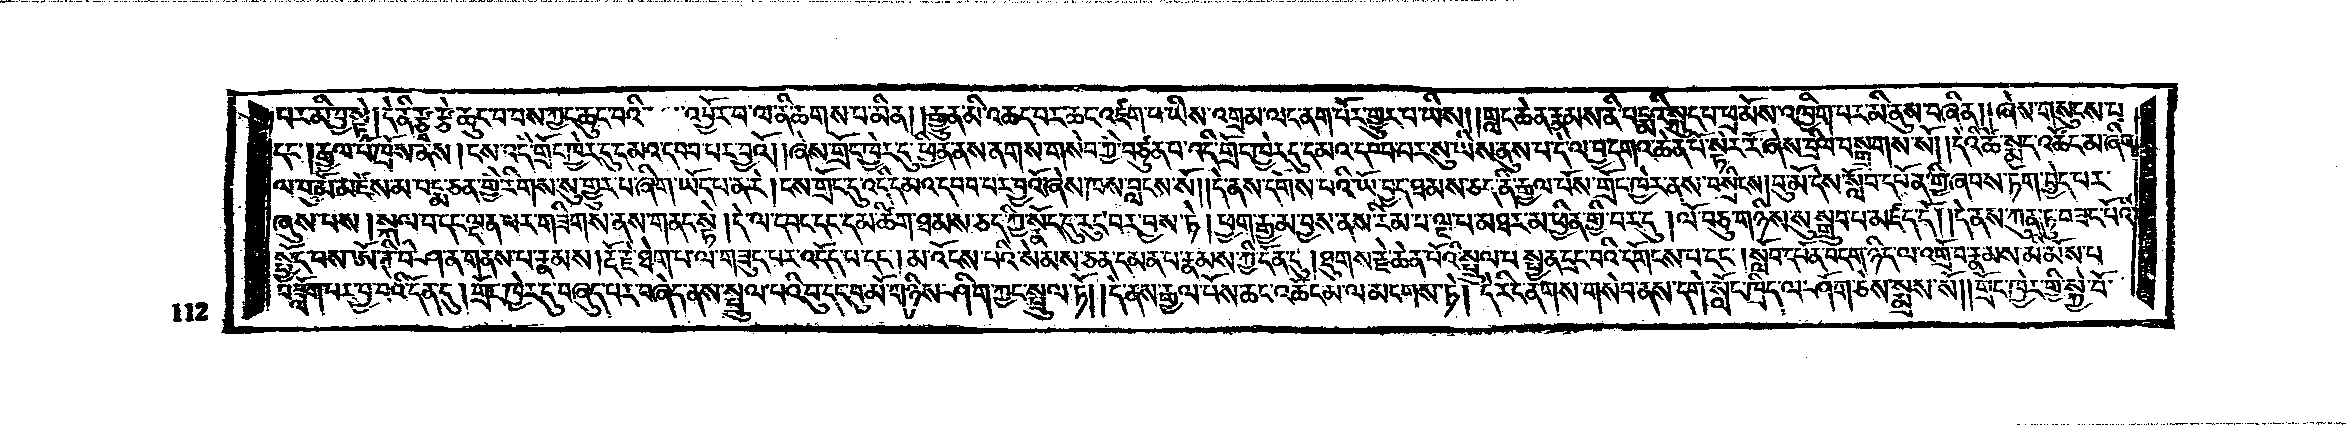པར་མི་བྱ་སྟེ། དེ་ནི་རྩ་རྩེ་ཆུང་བ་བས་ཀྱང་ཆུང་བའི་འབྱོར་པ་ལ་ནི་ཆགས་པ་མིན། །རྒྱུན་མི་འཆད་པར་ཆང་འཛག་པ་ཡིས་འགྲམ་ལང་ནག་པོར་གྱུར་པ་ཡིས། །གླང་ཆེན་རྣམས་ནི་པདམའི་སྐུད་པ་ཕྲ་མོས་འཁྱིག་པར་མི་ནུས་བཞིན། །ཞེས་གསུངས་པ་
དང་། རྒྱལ་པོ་ཁྲོས་ནིས། ངས་འདི་གྲོང་ཁྱེར་དུ་དམའ་དབབ་པར་བྱའོ། །ཞེས་གྲོང་ཁྱེར་དུ་ཕྱིན་ནས་ནགས་གསེབ་ཀྱི་བཙུན་པ་འདི་གྲོང་ཁྱེར་དུ་དམའ་དབབ་པར་སུ་ཡིས་ནུས་པ་དེ་ལ་བྱ་དགའ་ཆེན་པོ་སྟེར་རོ་ཞེས་དྲིལ་བསྒྲགས་སོ། །དེའི་ཚེ་སྨད་འཚོང་མ་ཞིག་
ལ་བུ་མོ་མཛེས་མ་པདམ་ཅན་གྱི་རིགས་སུ་གྱུར་པ་ཞིག་ཡོད་པ་ན་རེ། ངས་གྲོང་དུ་འདི་དམའ་དབབ་པར་བྱའོ་ཞེས་ཁས་བླངས་སོ། །དེ་ནས་དགོས་པའི་ཡོ་བྱད་ཐམས་ཅད་ནི་རྒྱལ་པོས་གྲོང་ཁྱེར་ནས་བསྲིངས། བུ་མོ་དེས་སློབ་དཔོན་གྱི་ཞབས་ཏོག་བྱེད་པར་
ཞུས་པས། སྐལ་བ་དང་ལྡན་པར་གཟིགས་ནས་གནང་སྟེ། དེ་ལ་དབང་དང་དམ་ཚིག་ཐམས་ཅད་ཀྱི་སྣོད་དུ་རུང་བར་བྱས་ཏེ། ཕྱག་རྒྱ་མ་བྱས་ནས་རིམ་པ་ལྔ་པ་མཐར་མ་ཕྱིན་གྱི་བར་དུ། ལོ་བཅུ་གཉིས་སུ་སྒྲུབ་པ་མཛད་དོ། །དེ་ནས་ཀུན་ཏུ་བཟང་པོའི་
སྤྱོད་པས་ཨོ་ཊི་བི་ཤ་ན་གནས་པ་རྣམས། རྡོ་རྗེ་ཐེག་པ་ལ་གཟུད་པར་འདོད་པ་དང་། མ་འོངས་པའི་སེམས་ཅན་དམན་པ་རྣམས་ཀྱི་དོན་དུ། ཐུགས་རྗེ་ཆེན་པོའི་སྤྲུལ་པ་སྤྱན་དྲང་བའི་དགོངས་པ་དང་། སློབ་དཔོན་བདག་ཉིད་ལ་འགྲོ་བ་རྣམས་མི་མོས་པ་
བཟློག་པར་བྱ་བའི་དོན་དུ། གྲོང་ཁྱེར་དུ་བཞུད་པར་བཞེད་ནས་སྤྲུལ་པའི་བུ་དང་བུ་མོ་གཉིས་ཤིག་ཀྱང་སྤྲུལ་ཏོ། །དེ་ནས་རྒྱལ་པོས་ཆང་འཆོང་མ་ལ་མངགས་ཏེ། དེ་རིང་ནགས་གསེབ་ནས་དགེ་སློང་ཁྲིད་ལ་ཤོག་ཅེས་སྨྲས་སོ། །གྲོང་ཁྱེར་གྱི་སྐྱེ་བོ་